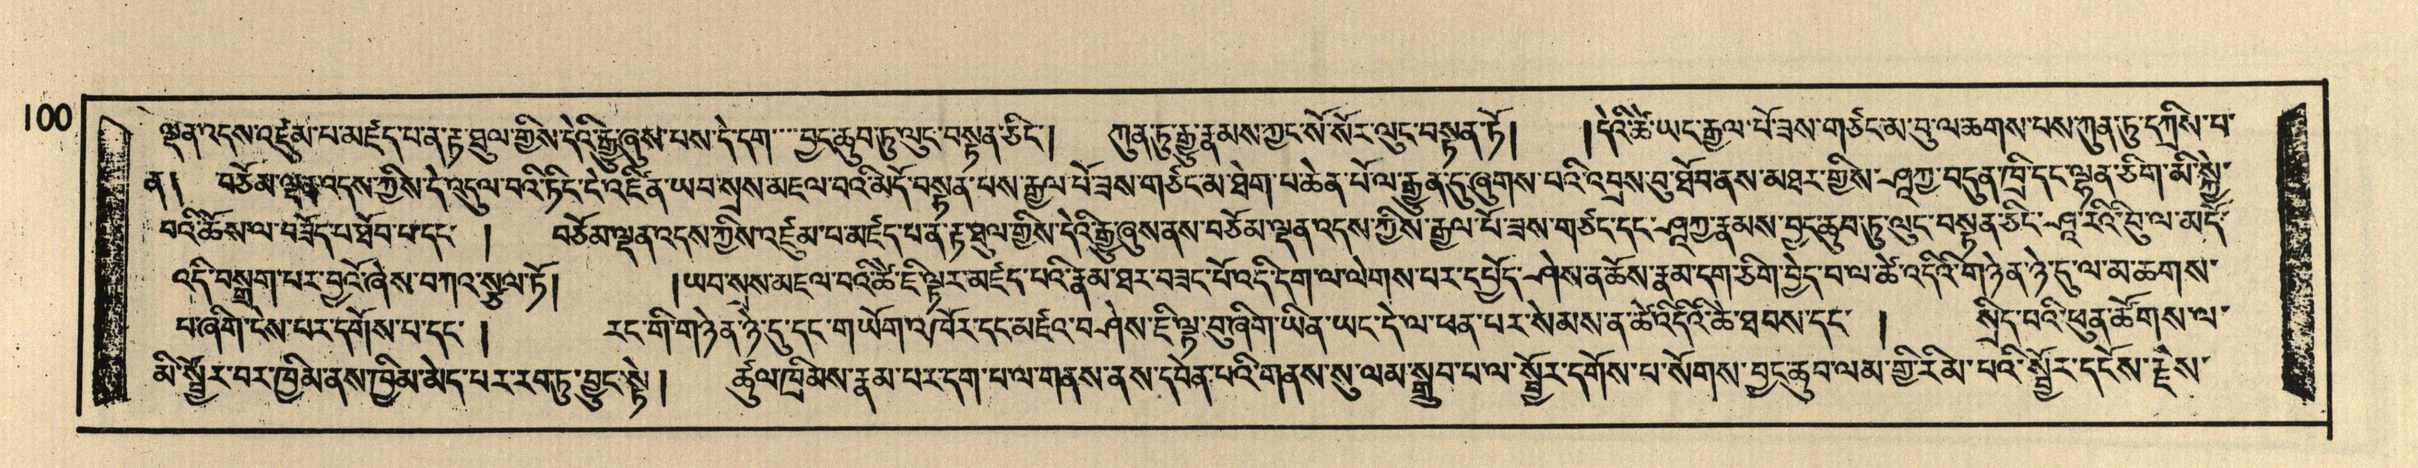ལྡན་འདས་འཛུམ་པ་མཛད་པ་ན་རྟ་ཐུལ་གྱིས་དེའི་རྒྱུ་ཞུས་པས་དེ་དག་བྱང་ཆུབ་ཏུ་ལུང་བསྟན་ཅིང་། ཀུན་ཏུ་རྒྱུ་རྣམས་ཀྱང་སོ་སོར་ལུང་བསྟན་ཏོ། །དེའི་ཚེ་ཡང་རྒྱལ་པོ་ཟས་གཙང་མ་བུ་ལ་ཆགས་པས་ཀུན་ཏུ་དཀྲིས་པ་
ན། བཅོམ་ལྡན་འདས་ཀྱིས་དེ་འདུལ་བའི་ཏིང་ངེ་འཛིན་ཡབ་སྲས་མཇལ་བའི་མདོ་བསྟན་པས་རྒྱལ་པོ་ཟས་གཙང་མ་ཐེག་པ་ཆེན་པོ་ལ་རྒྱུན་དུ་ཞུགས་པའི་འབྲས་བུ་ཐོབ་ནས་མཐར་གྱིས་ཤཱཀྱ་བདུན་ཁྲི་དང་ལྷན་ཅིག་མི་སྐྱེ་
བའི་ཆོས་ལ་བཟོད་པ་ཐོབ་པ་དང་། བཅོམ་ལྡན་འདས་ཀྱིས་འཛུམ་པ་མཛད་པ་ན་རྟ་ཐུལ་གྱིས་དེའི་རྒྱུ་ཞུས་ནས་བཅོམ་ལྡན་འདས་ཀྱིས་རྒྱལ་པོ་ཟས་གཙང་དང་ཤཱཀྱ་རྣམས་བྱང་ཆུབ་ཏུ་ལུང་བསྟན་ཅིང་ཤཱ་རིའི་བུ་ལ་མདོ་
འདི་བསྒྲག་པར་བྱའོ་ཞེས་བཀའ་སྩལ་ཏོ། །ཡབ་སྲས་མཇལ་བའི་ཚེ་ཇི་ལྟར་མཛད་པའི་རྣམ་ཐར་བཟང་པོ་འདི་དག་ལ་ལེགས་པར་དཔྱོད་ཤེས་ན་ཆོས་རྣམ་དག་ཅིག་བྱེད་པ་ལ་ཚེ་འདིའི་གཉེན་ཉེ་དུ་ལ་མ་ཆགས་
བ་ཞིག་ངེས་པར་དགོས་པ་དང་། རང་གི་གཉེན་ཉེ་དུ་དང་གཡོག་འཁོར་དང་མཛའ་བཤེས་ཇི་ལྟ་བུ་ཞིག་ཡིན་ཡང་དེ་ལ་ཕན་པར་སེམས་ན་ཚེ་འདིའི་ཆེ་ཐབས་དང་། སྲིད་པའི་ཕུན་ཚོགས་ལ་
མི་སྦྱོར་བར་ཁྱིམ་ནས་ཁྱིམ་མེད་པར་རབ་ཏུ་བྱུང་སྟེ། ཚུལ་ཁྲིམས་རྣམ་པར་དག་པ་ལ་གནས་ནས་དབེན་པའི་གནས་སུ་ལམ་སྒྲུབ་པ་ལ་སྦྱོར་དགོས་པ་སོགས་བྱང་ཆུབ་ལམ་གྱི་རིམ་པའི་སྦྱོར་དངོས་རྗེས་